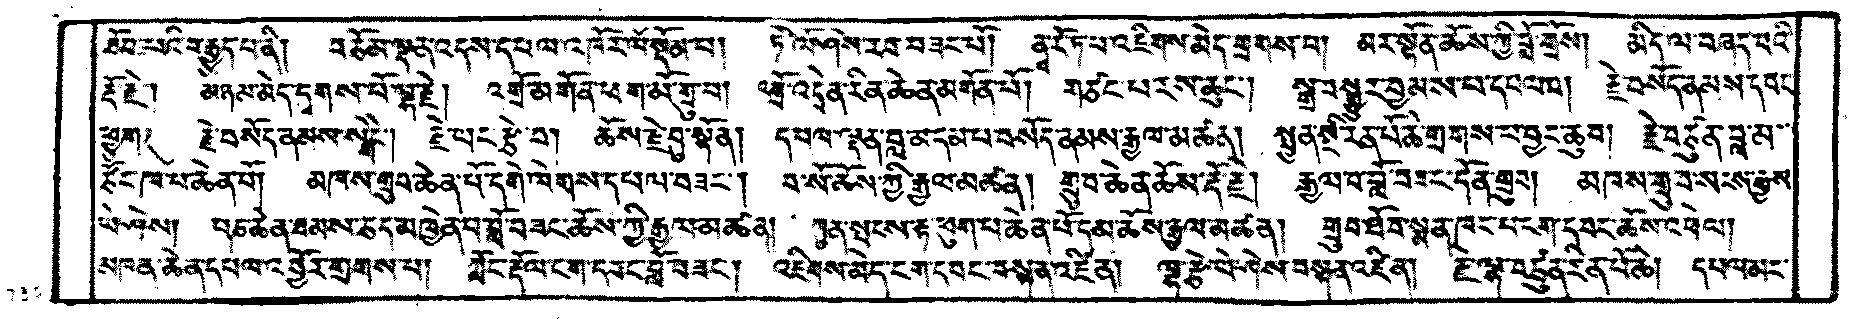ཐོབ་པའི་བརྒྱུད་པ་ནི། བཅོམ་ལྡན་འདས་དཔལ་འཁོར་ལོ་སྡོམ་པ། ཏེ་ལོ་ཤེས་རབ་བཟང་པོ། ནཱ་རོ་ཏ་པ་འཇིགས་མེད་གྲགས་པ། མར་སྟོན་ཆོས་ཀྱི་བློ་གྲོས། མིད་ལ་བཞད་པའི་
རྡོ་རྗེ། མཉམ་མེད་དྭགས་པོ་ལྷ་རྗེ། འགྲོ་མགོན་ཕག་མོ་གྲུ་པ། འགྲོ་འདྲེན་རིན་ཆེན་མགོན་པོ། གཙང་པ་རས་ཆུང་། སྒྲ་བསྒྱུར་བྱམས་པ་དཔལ་བ། རྗེ་བསོད་ནམས་དབང་
ཕྱུག༑ རྗེ་བསོད་ནམས་སེངྒེ། རྗེ་ཡང་རྩེ་བ། ཆོས་རྗེ་བུ་སྟོན། དཔལ་ལྡན་བླ་མ་དམ་པ་བསོད་ནམས་རྒྱལ་མཚན། སྤྱན་སྔ་རིན་པོ་ཆེ་གྲགས་པ་བྱང་ཆུབ། རྗེ་བཙུན་བླ་མ་
ཙོང་ཁ་པ་ཆེན་པོ། མཁས་གྲུབ་ཆེན་པོ་དགེ་ལེགས་དཔལ་བཟང་། བ་སོ་ཆོས་ཀྱི་རྒྱལ་མཚན། གྲུབ་ཆེན་ཆོས་རྡོ་རྗེ། རྒྱལ་བ་བློ་བཟང་དོན་གྲུབ། མཁས་གྲུབ་སངས་རྒྱས་
ཡེ་ཤེས། པཎ་ཆེན་ཐམས་ཅད་མཁྱེན་པ་བློ་བཟང་ཆོས་ཀྱི་རྒྱལ་མཚན། ཀུན་སྤངས་རྟ་ཕུག་པ་ཆེན་པོ་དམ་ཆོས་རྒྱལ་མཚན། གྲུབ་ཐོབ་སྨན་ཁང་པ་ངག་དབང་ཆོས་འཕེལ།
མཁན་ཆེན་དཔལ་འབྱོར་གྲགས་པ། ཀློང་རྡོལ་ངག་དབང་བློ་བཟང་། འཇིགས་མེད་ངག་དབང་བསྟན་འཛིན། ལྷ་རྩེ་ཡེ་ཤེས་བསྟན་འཛིན། རྗེ་ལྷ་བཙུན་རིན་པོ་ཆེ། དཔལ་མང་